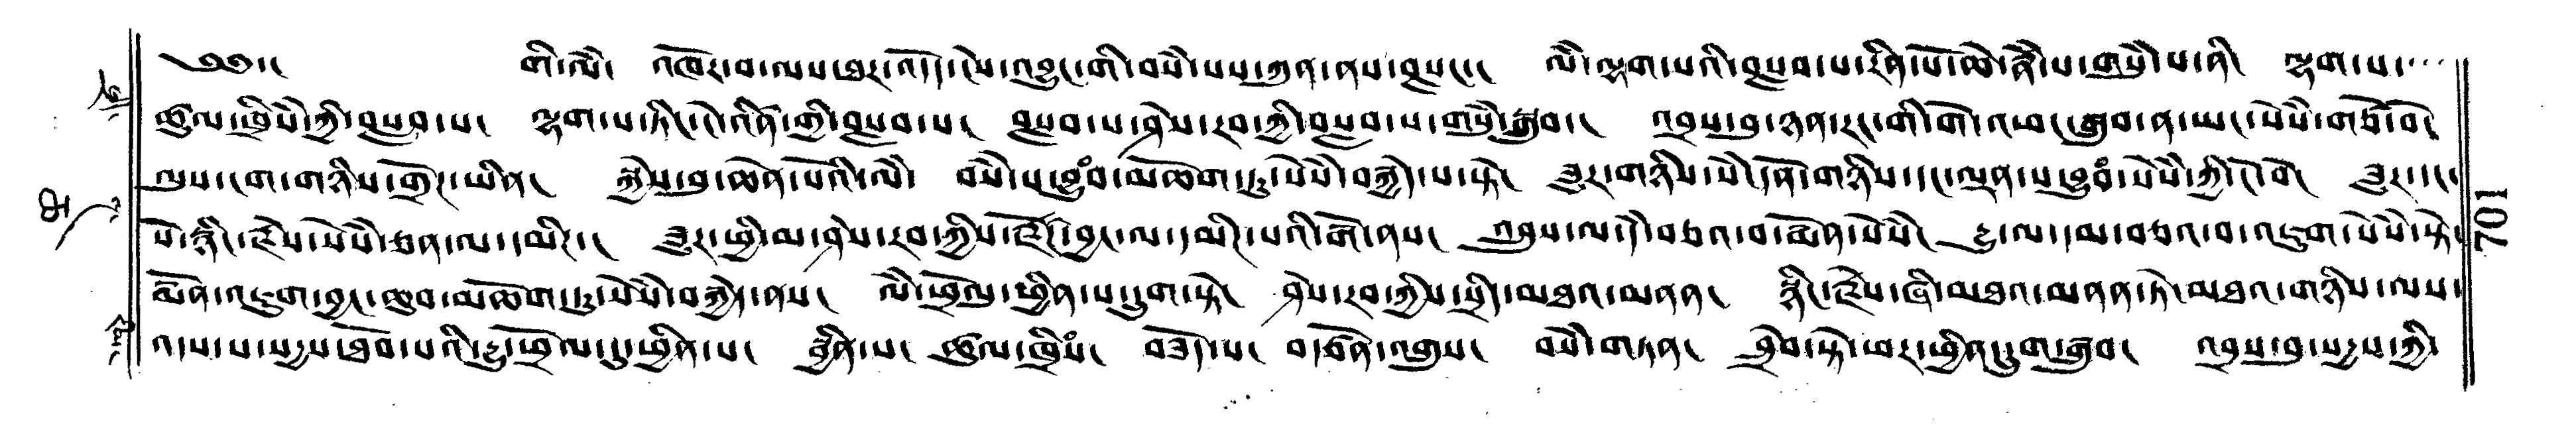གི་ལམ། འཁོར་བ་ལས་ཐར་འདོད་ངེས་འབྱུང་གི་བསམ་པས་ཀུན་ནས་བསླང་། ལམ་ལྷག་པའི་བསླབ་པ་རིན་པོ་ཆེ་རྣམ་པ་གསུམ་ནི། ལྷག་པ་
ཚུལ་ཁྲིམས་ཀྱི་བསླབ་པ། ལྷག་པ་ཏིང་ངེ་འཛིན་གྱི་བསླབ་པ། བསླབ་པ་ཤེས་རབ་ཀྱི་བསླབ་པ་གསུམ་སྒྲུབ། འབྲས་བུ་ཉན་རང་གི་གོ་འཕང་སྒྲུབ་ན་ཡང་སེམས་གཙོ་བོ་
ལུས་ངག་གཉིས་གྲོགས་ཡིན། སྐྱེས་བུ་ཆེན་པོའི་ལམ། བསམ་པ་བྱང་ཆུབ་མཆོག་ཏུ་སེམས་བསྐྱེད་པ་སྟེ། ཟུར་གཉིས་སམ་དོན་གཉིས་དང་ལྡན་པ་བྱང་ཆུབ་སེམས་ཀྱི་ངོ་བོ། ཟུར་དང་
པོ་སྙིང་རྗེས་སེམས་ཅན་ལ་དམིགས། ཟུར་ཕྱི་མ་ཤེས་རབ་ཀྱིས་རྫོགས་བྱང་ལ་དམིགས་པའི་སྒོ་ནས། འབྲས་བུ་ལ་དམ་བཅའ་བ་སྨོན་སེམས། རྒྱུ་ལ་དམ་བཅའ་བ་འཇུག་སེམས་སྟེ། 
སྨོན་འཇུག་བྱང་ཆུབ་མཆོག་ཏུ་སེམས་བསྐྱེད་ནས། ལམ་ཕ་རོལ་དུ་ཕྱིན་པ་དྲུག་སྟེ། ཤེས་རབ་ཀྱིས་སྲིད་མཐའ་མནན། སྙིང་རྗེས་ཞི་མཐའ་མནན་ཏེ་མཐའ་གཉིས་ལས་
འདས་པ་སངས་རྒྱས་ཐོབ་པའི་རྒྱུ་ཕ་རོལ་དུ་ཕྱིན་པ། སྦྱིན་པ། ཚུལ་ཁྲིམས། བཟོད་པ། བརྩོན་འགྲུས། བསམ་གཏན། ཤེས་རབ་སྟེ་ཕར་ཕྱིན་དྲུག་སྒྲུབ། འབྲས་བུ་སངས་རྒྱས་ཀྱི་